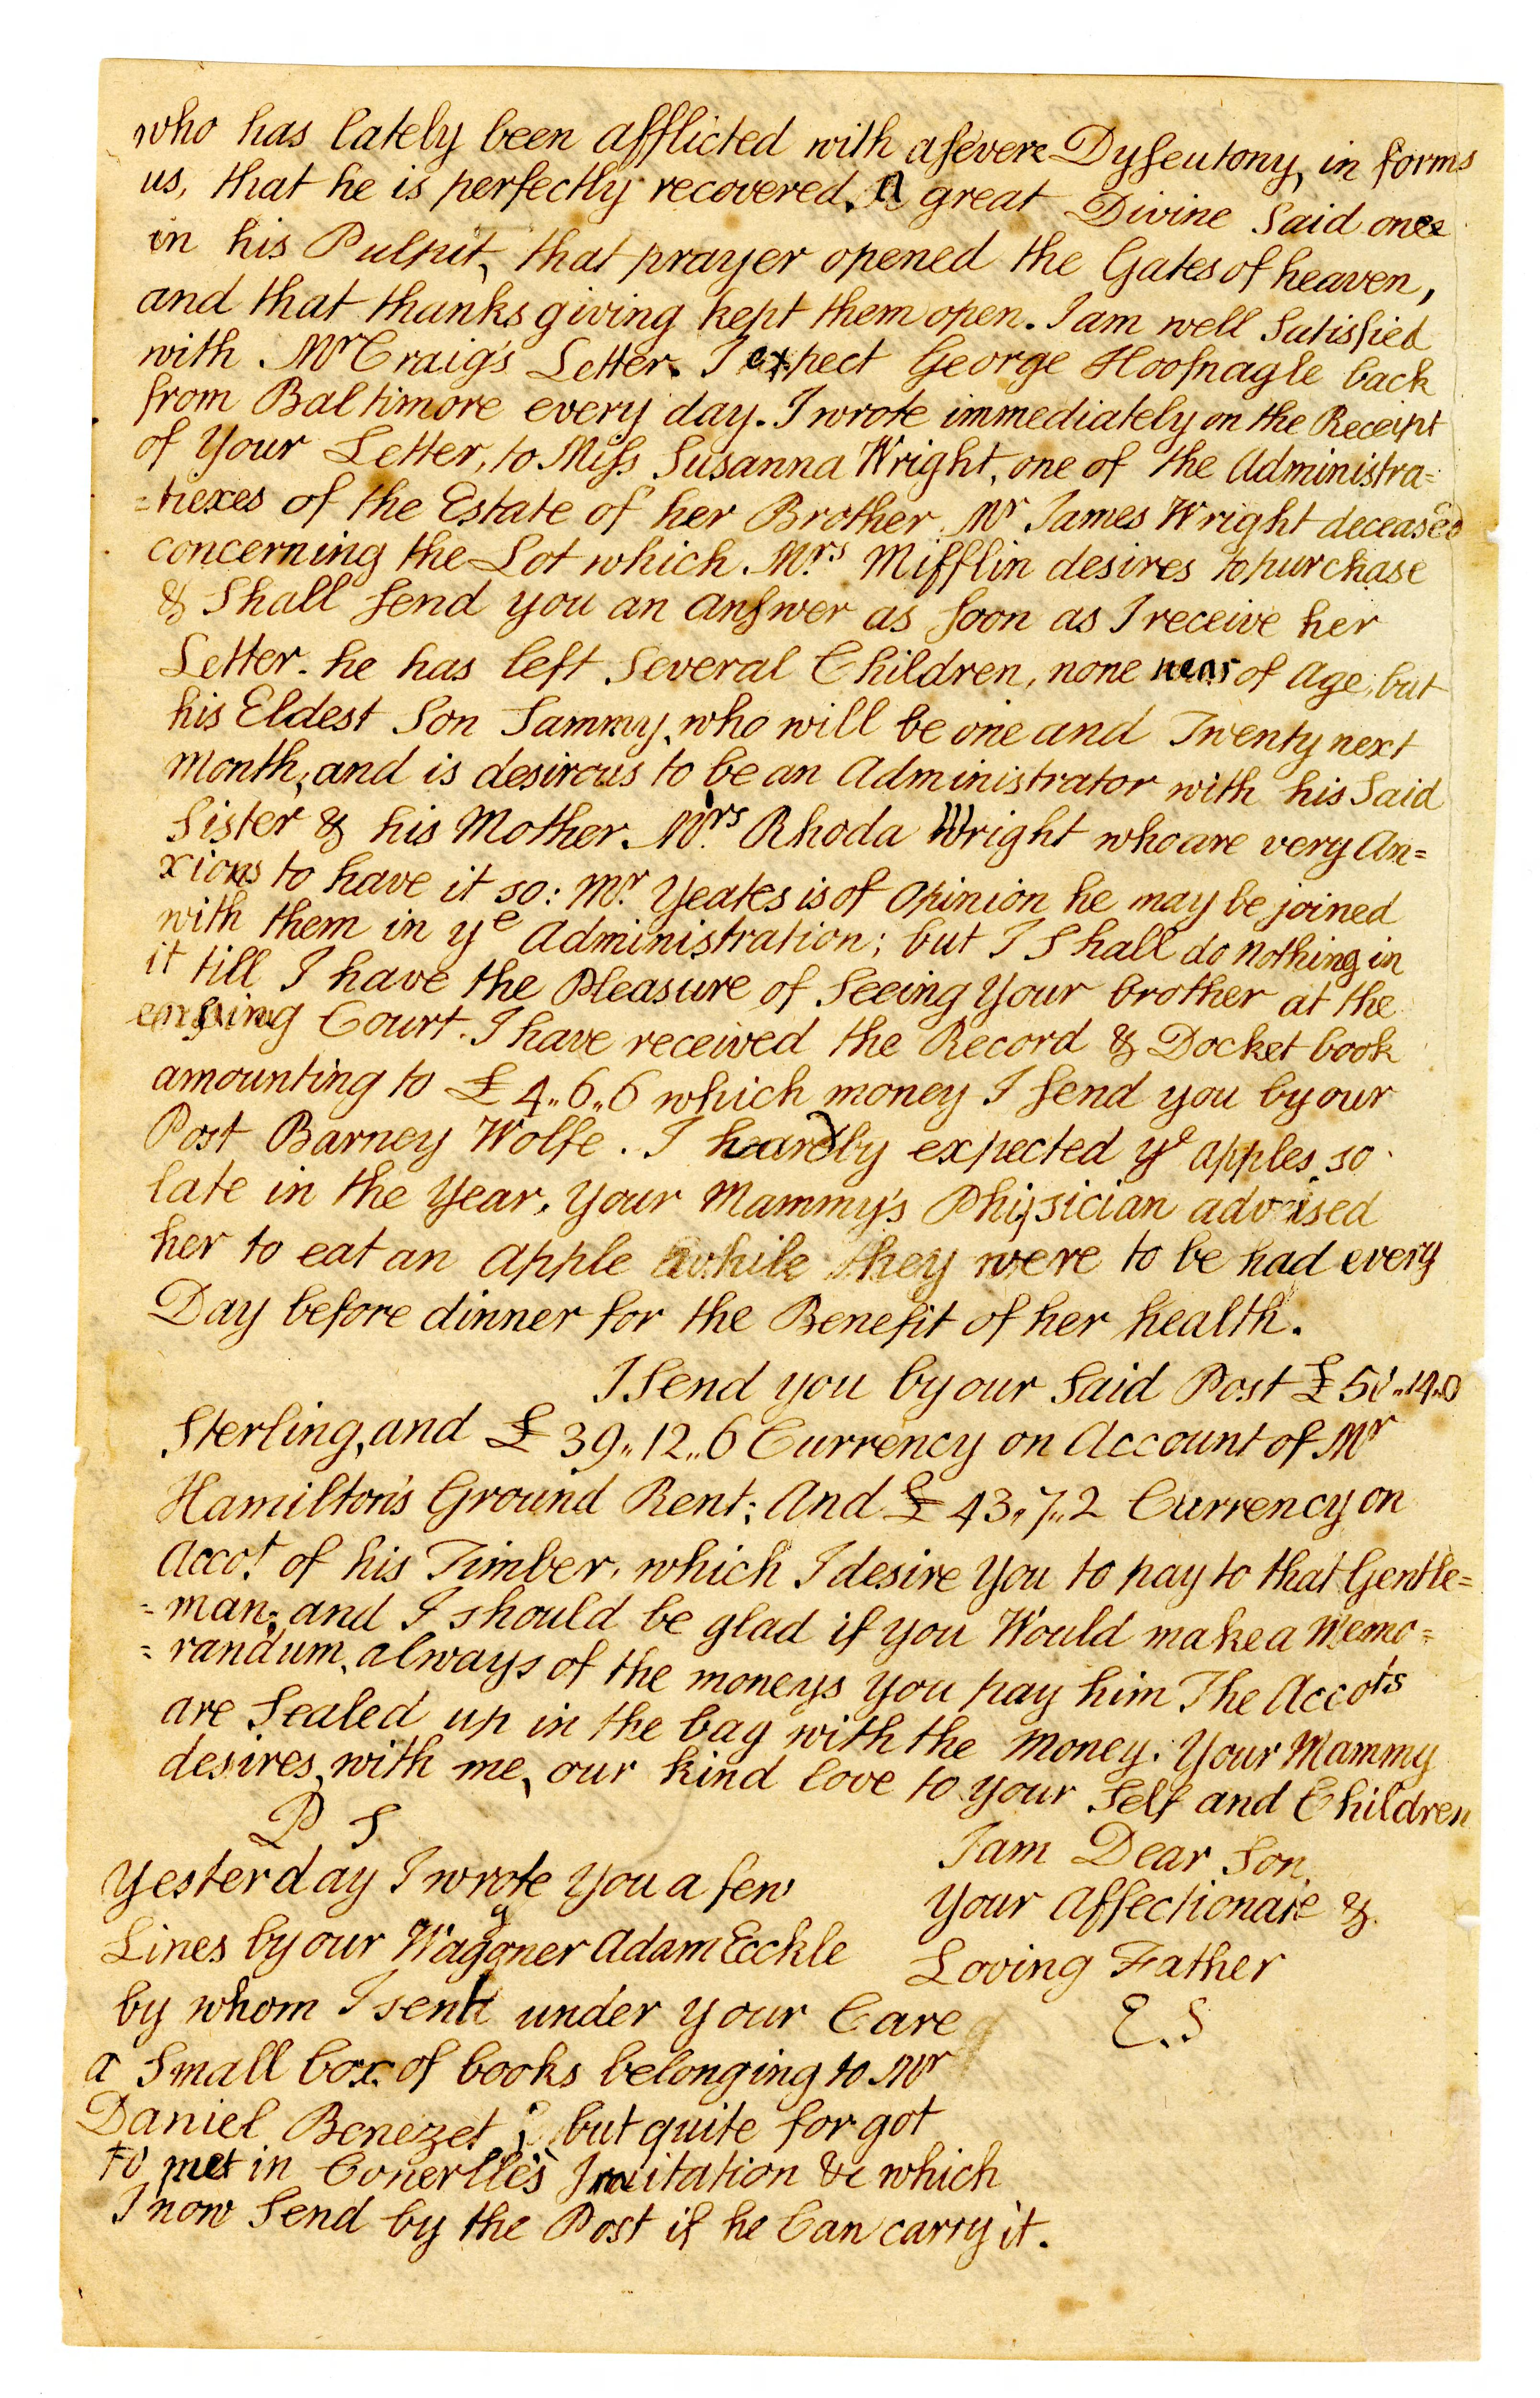who has lately been Afflicted with a severe Dyseutony, in forms
us, that he is perfectly recovered A great Divine said one
in his Pulpit, that prayer opened the Gates of heaven,
and that thanks giving kept them open. I am well Satisfied
with M^r Craig's Letter I expect George Hoofnagle back
from Baltimore every day. I wrote immediately on the Receipt
of Your Letter, to Miss Susanna Wright, one of the Administra-
-trixes of the Estate of her Brother, M^r James Wright deceased
concerning the Lot which M.^rs Mifflin desires to purchase
& Shall send you an answer as soon as I receive her
Letter. he has left several Children, none near of Age, but
his Eldest son Sammy, who will be one and Twenty next
Month, and is desirous to be an Administrator with his said
Sister & his Mother M.^rs Rhoda Wright who are very An-
xious to have it so: M^r. Yeates is of Opinion he may be joined
with them in y^e administration; but I shall do nothing in
it till I have the Pleasure of Seeing Your brother at the
ensuing Court. I have received the Record & Docket book
amounting to £4..6..6 which money I send you by our
Post Barney Wolfe. I hardly expected y^e Apples so
late in the Year, your Mammy's Physician advised
her to eat an Apple while they were to be had every
Day before dinner for the Benefit of her health.
I Send you by our Said Post £50..14..0
Sterling, and £39..12..6 Currency on Account of M^r
Hamilton's Ground Rent; And £43..7..2 Currency on
Acco.^t of his Timber, which I desire You to pay to that Gentle-
-man; and I should be glad if you Would make a Memo-
-randum, always of the moneys you pay him. The Acco^ts
are Sealed up in the bag with the Money: Your Mammy
desires, with me, our kind love to Your Self and Children
I am Dear Son
Your Affectionate &
Loving Father
E.S
P.S
Yesterday I wrote You a few
Lines by our Wagoner Adam Ecckle
by whom I sent under Your Care,
a Small box of books belonging to M^r
Daniel Benezet; but quite forgot
to met in Conerlle's Imitation &c which
I now Send by the Post if he Can carry it.